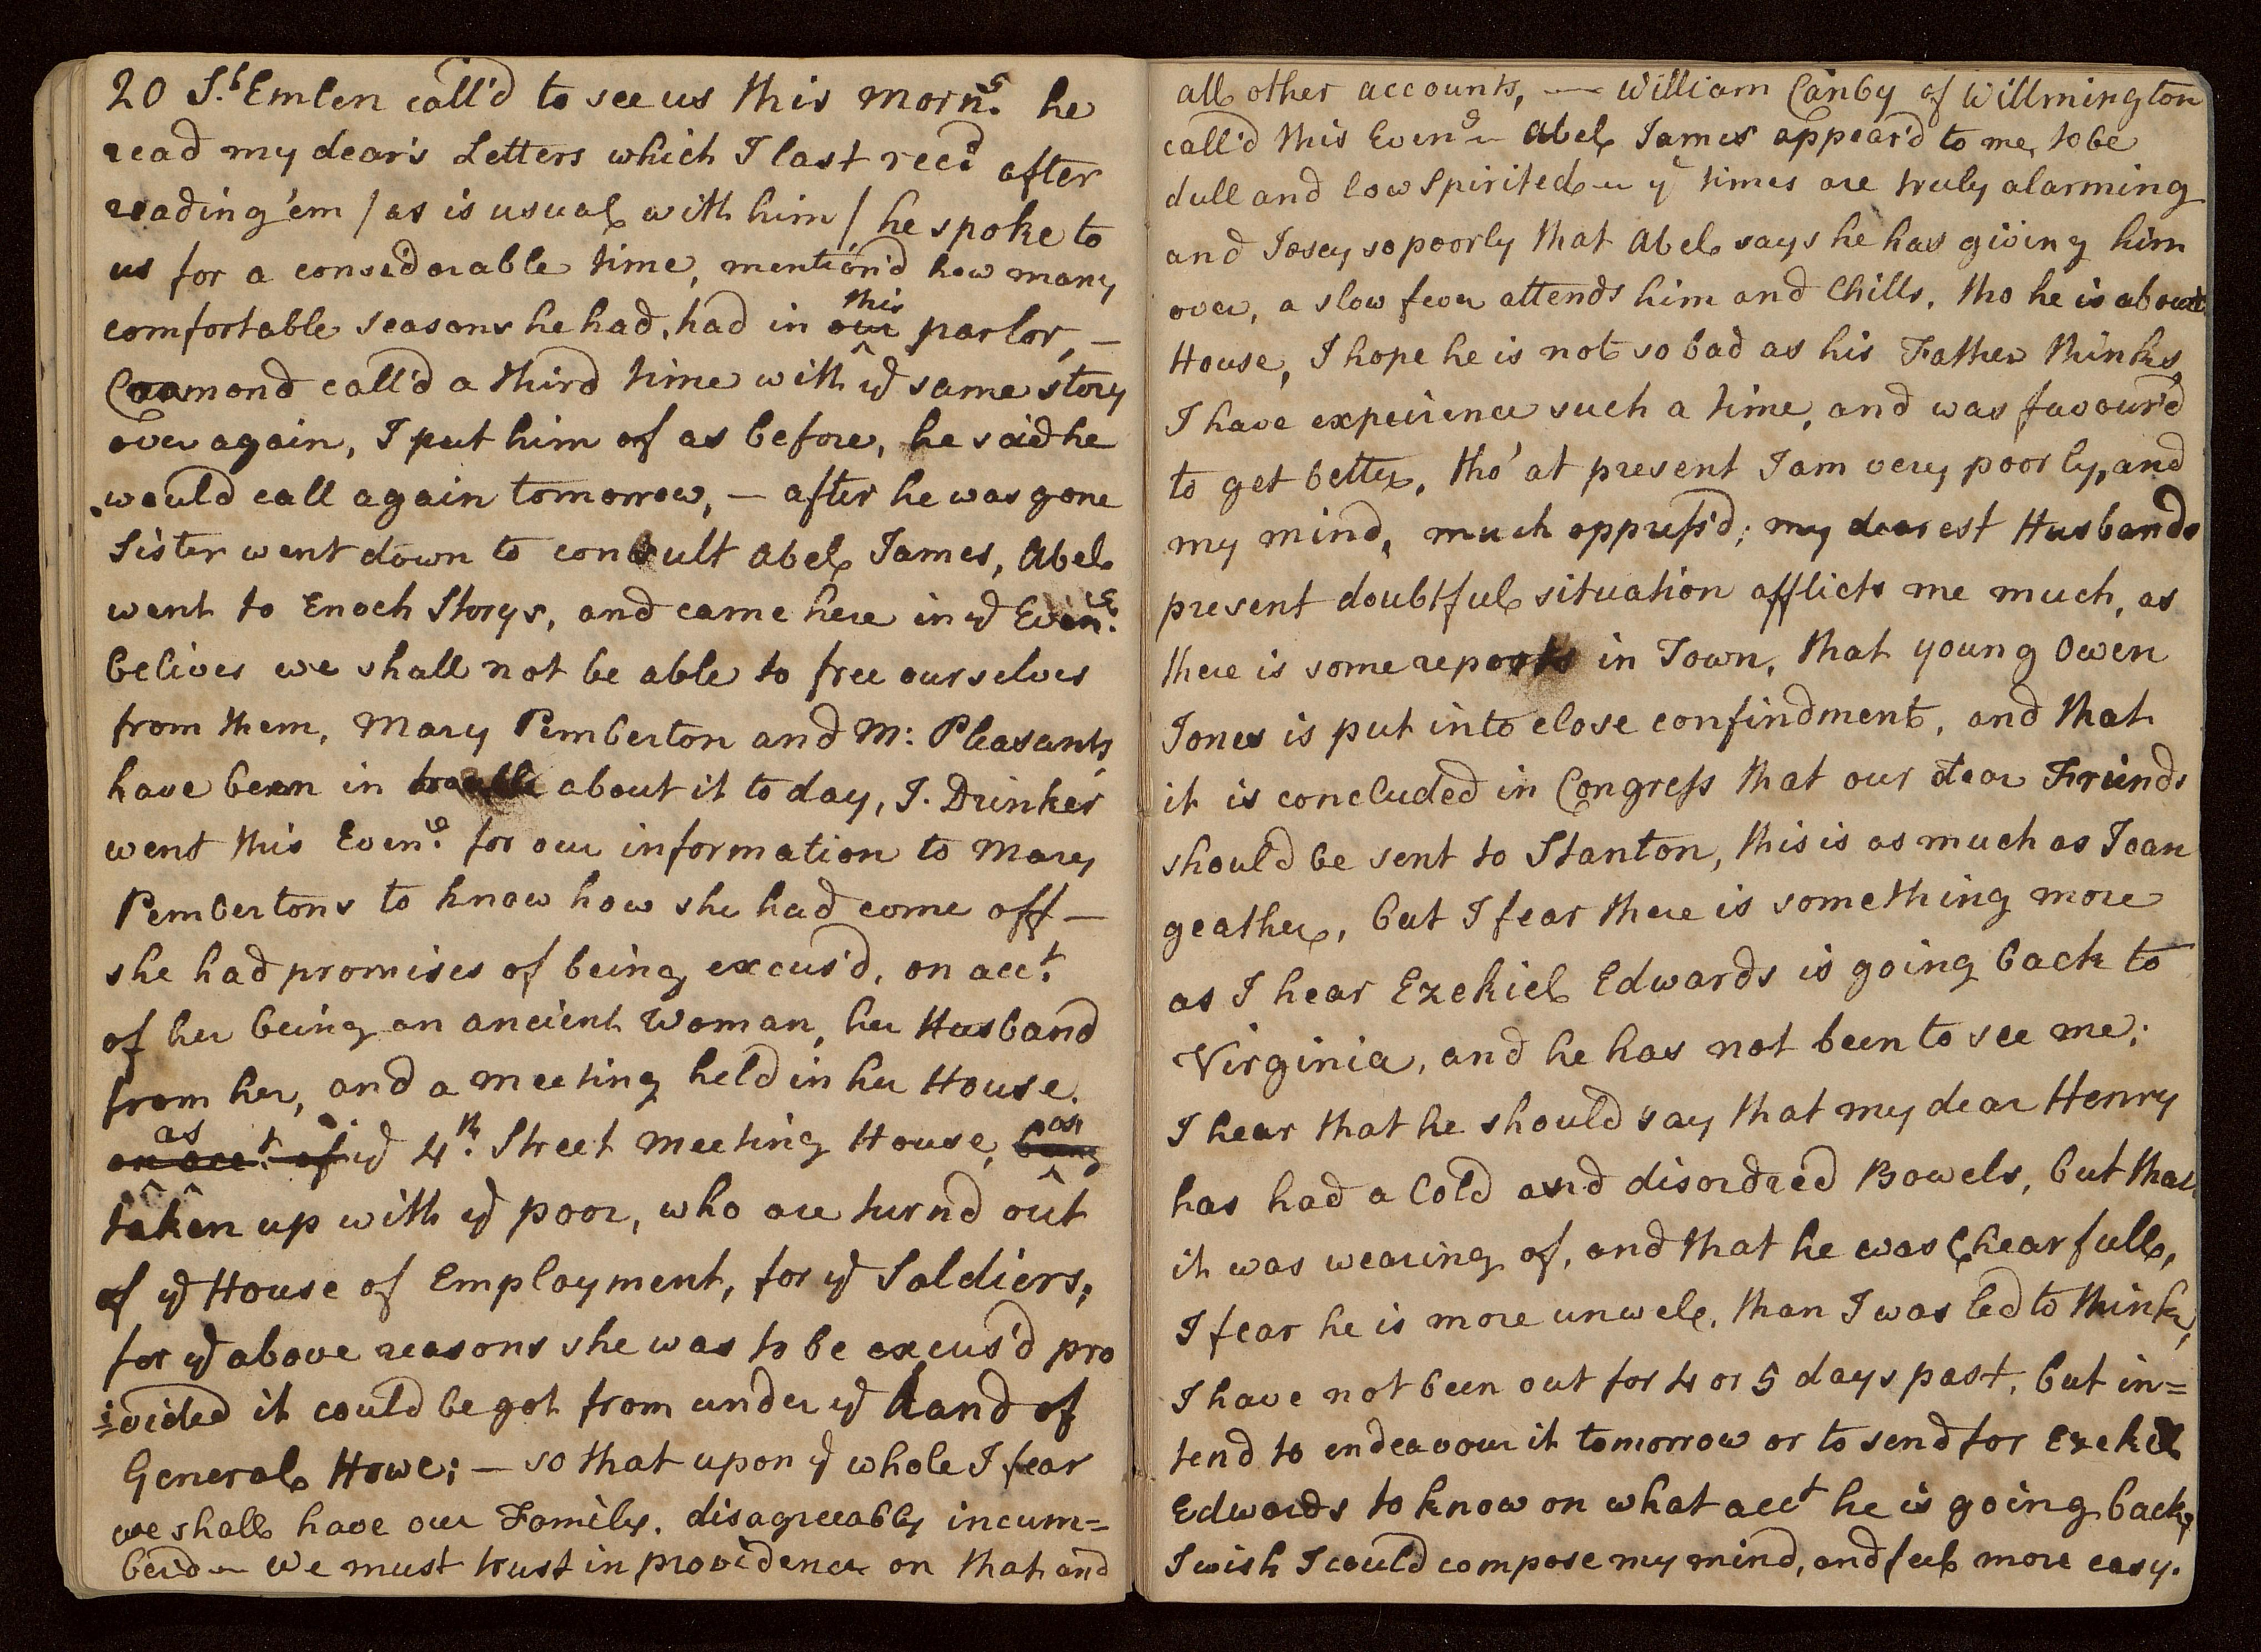20 S^l. Emlen call'd to see us this morn^g. he
read my dear's Letters which I last rec^d. after
reading 'em /as is usual with him/ he spoke to
us for a considerable time, mention'd how many
this
comfortable seasons he had, had in [our] ^ parlor,-
Carmond call'd a third time with y^e same story
evev again, I put him of as before, he said he
would call again tomorrow,- after he was gone
Sister went down to consult Abel James, Abel
went to Enoch Storys, and came here in y^e Even^g.
belives we shall not be able to free ourselves
from them, Mary Pemberton and M: Pleasants,
have been in trouble about it to day, J. Drinker
went this Even^g. for our information to Mary
Pembertons to know how she had come off-
she had promises of being excus'd, on acc^t.
of her being on ancient Woman, her Husband
from her, and a meeting held in her House.
[on acc^t. of] y^e 4^th. Street Meeting House, [____] ^all
taken up with y^e poor, who are turnd out
of y^e House of Employment, for y^e Soldiers;
for y^e above reasons she was to be excus'd pro
-vided it could be got from under y^e hand of
General Howe;- so that upon y^e whole I fear
we shall have our Family. disagreeably incum-
berd- We must trust in providence on that and
as
all other accounts,- William Canby of Willmington
call'd this Even^g. Abel James appear'd to me to be
dull and low Spirited - y^e times are truly alarming
and Josey so poorly that Abel says he has giving him
over, a slow fever attends him and Chills, tho he is about
House, I hope he is not so bad as his Father thinks,
I have expeirence such a time, and was favour'd
to get better, tho' at present I am very poorly, and
my mind, much oppress'd; my dearest Husbands
present doubtful situation afflicts me much, as
there is some reports in Town, that young Owen
Jones is put into close confindment, and that
it is concluded in Congress that our dear Friends
should be sent to Stanton, this is as much as I can
geather, but I fear there is some thing more
as I hear Ezekiel Edwards is going back to
Virginia, and he has not been to see me;
I hear that he should say that my dear Henry
has had a Cold and disordred Bowels, but that
it was wearing of, and that he was chear full,
I fear he is more unwell, than I was led to think,
I have not been out for 4 or 5 days past, but in-
tend to endeavour it tomorrow or to send for Ezekil
Edwards to know on what acc^t he is going back
I wish I could compose my mind, and feel more easy.